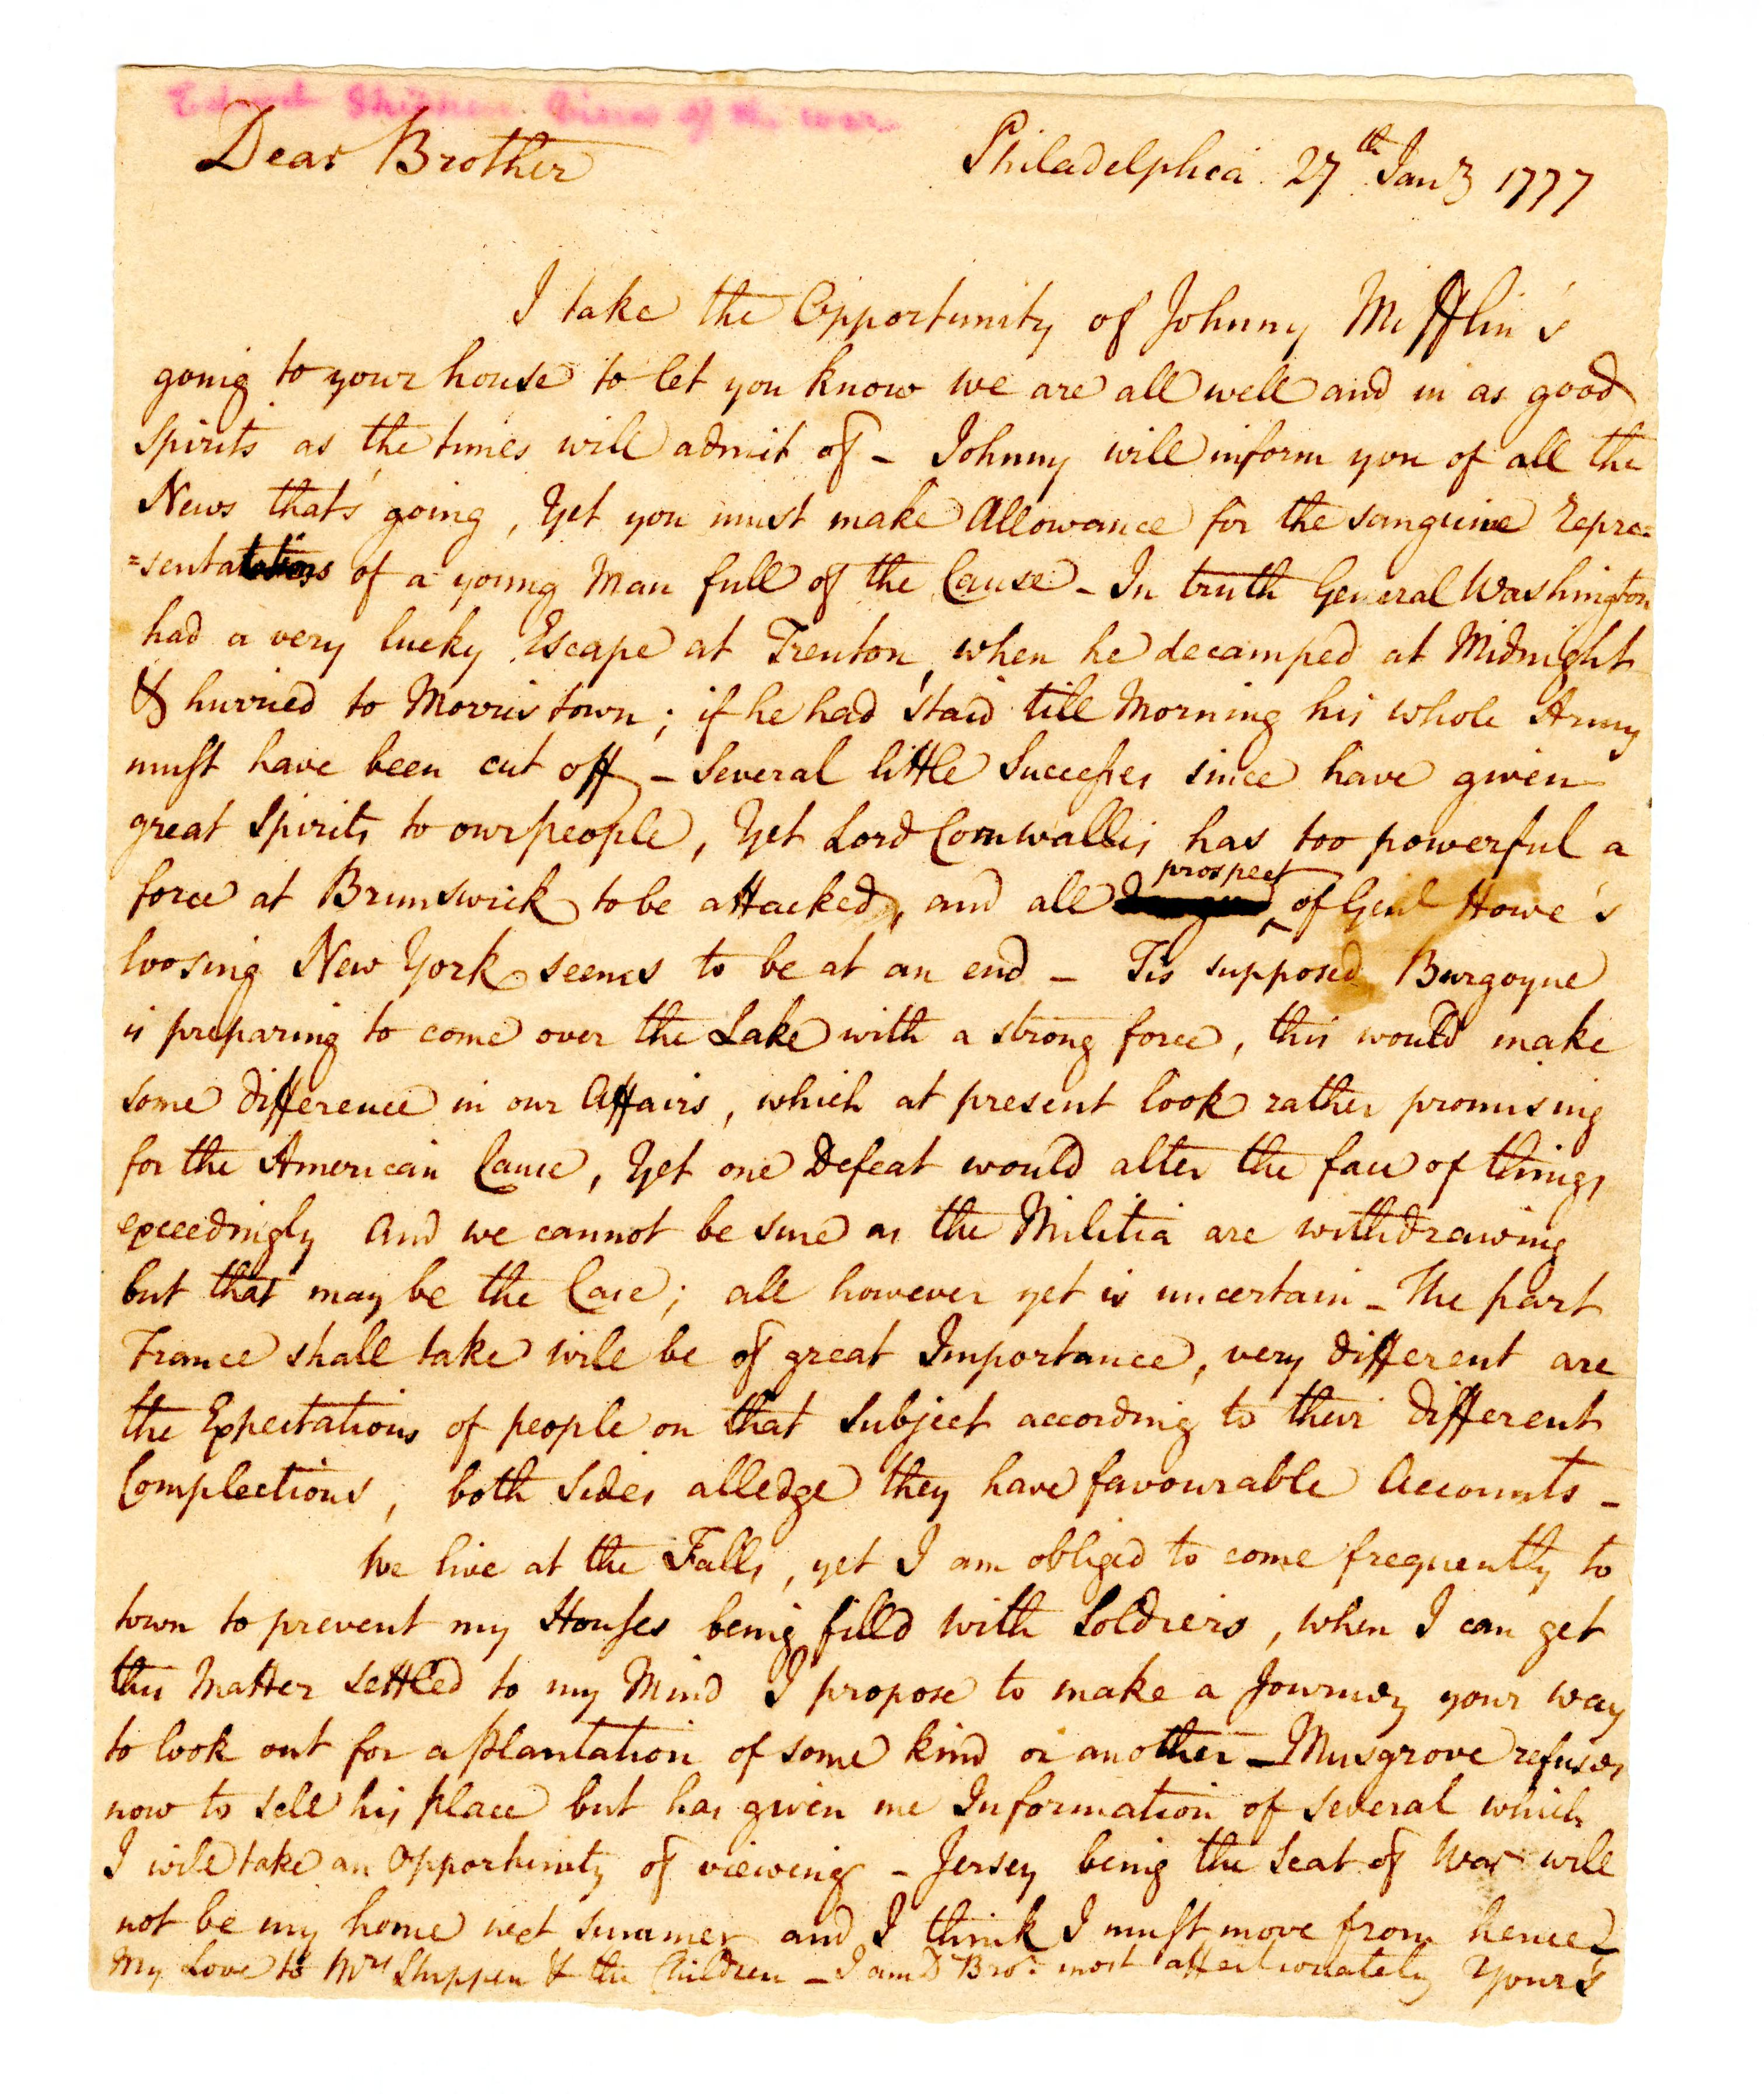Philadelphia 27^th Jan^y 1777
Dear Brother
I take the Opportunity of Johnny Mifflin's
going to your house to let you know we are all well and in as good
spirits as the times will admit of- Johnny will inform you of all the
News that's going, Yet you must make Allowance for the sanguine repre-
-sentations of a young Man full of the Course- In truth General Washington
had a very lucky Escape at Trenton, when he decamped at Midnight
& hurried to Morristown; if he had staid till Morning his whole Army
must have been cut off- Several little Successes since have given
great Spirits to our people, Yet Lord Cornwallis has too powerful a
prospect
force at Brunswick to be attacked, and all ^ of Gen^l Howe's
loosing New York seems to be at an end- Tis supposed Burgoyne
is preparing to come over the Lake with a strong force, this would make
some difference in our Affairs, which at present look rather promising
for the American Cause, Yet one Defeat would alter the face of things
exceedingly and we cannot be sure as the Militia are withdrawing
but that may be the Case; all however yet is uncertain- The part
France shall take will be of great Importance, very different are
the Expectations of people on that subject according to their different
Complections, both sides alledge they have favourable Accounts-
We live at the Falls, yet I am obliged to come frequently to
town to prevent my Houses being filld with Soldiers, when I can get
this matter settled to my mind I propose to make a Journey your way
to look out for a Plantation of some kind or another- Musgrove refuses
now to sell his place but has given me Information of several which
I will take an opportunity of viewing- Jersey being the Seat of War will
not be my home next summer and I think I must move from hence-
My love to M^rs Shippen & the Children- I am D Bro^r. most affectionately Your's